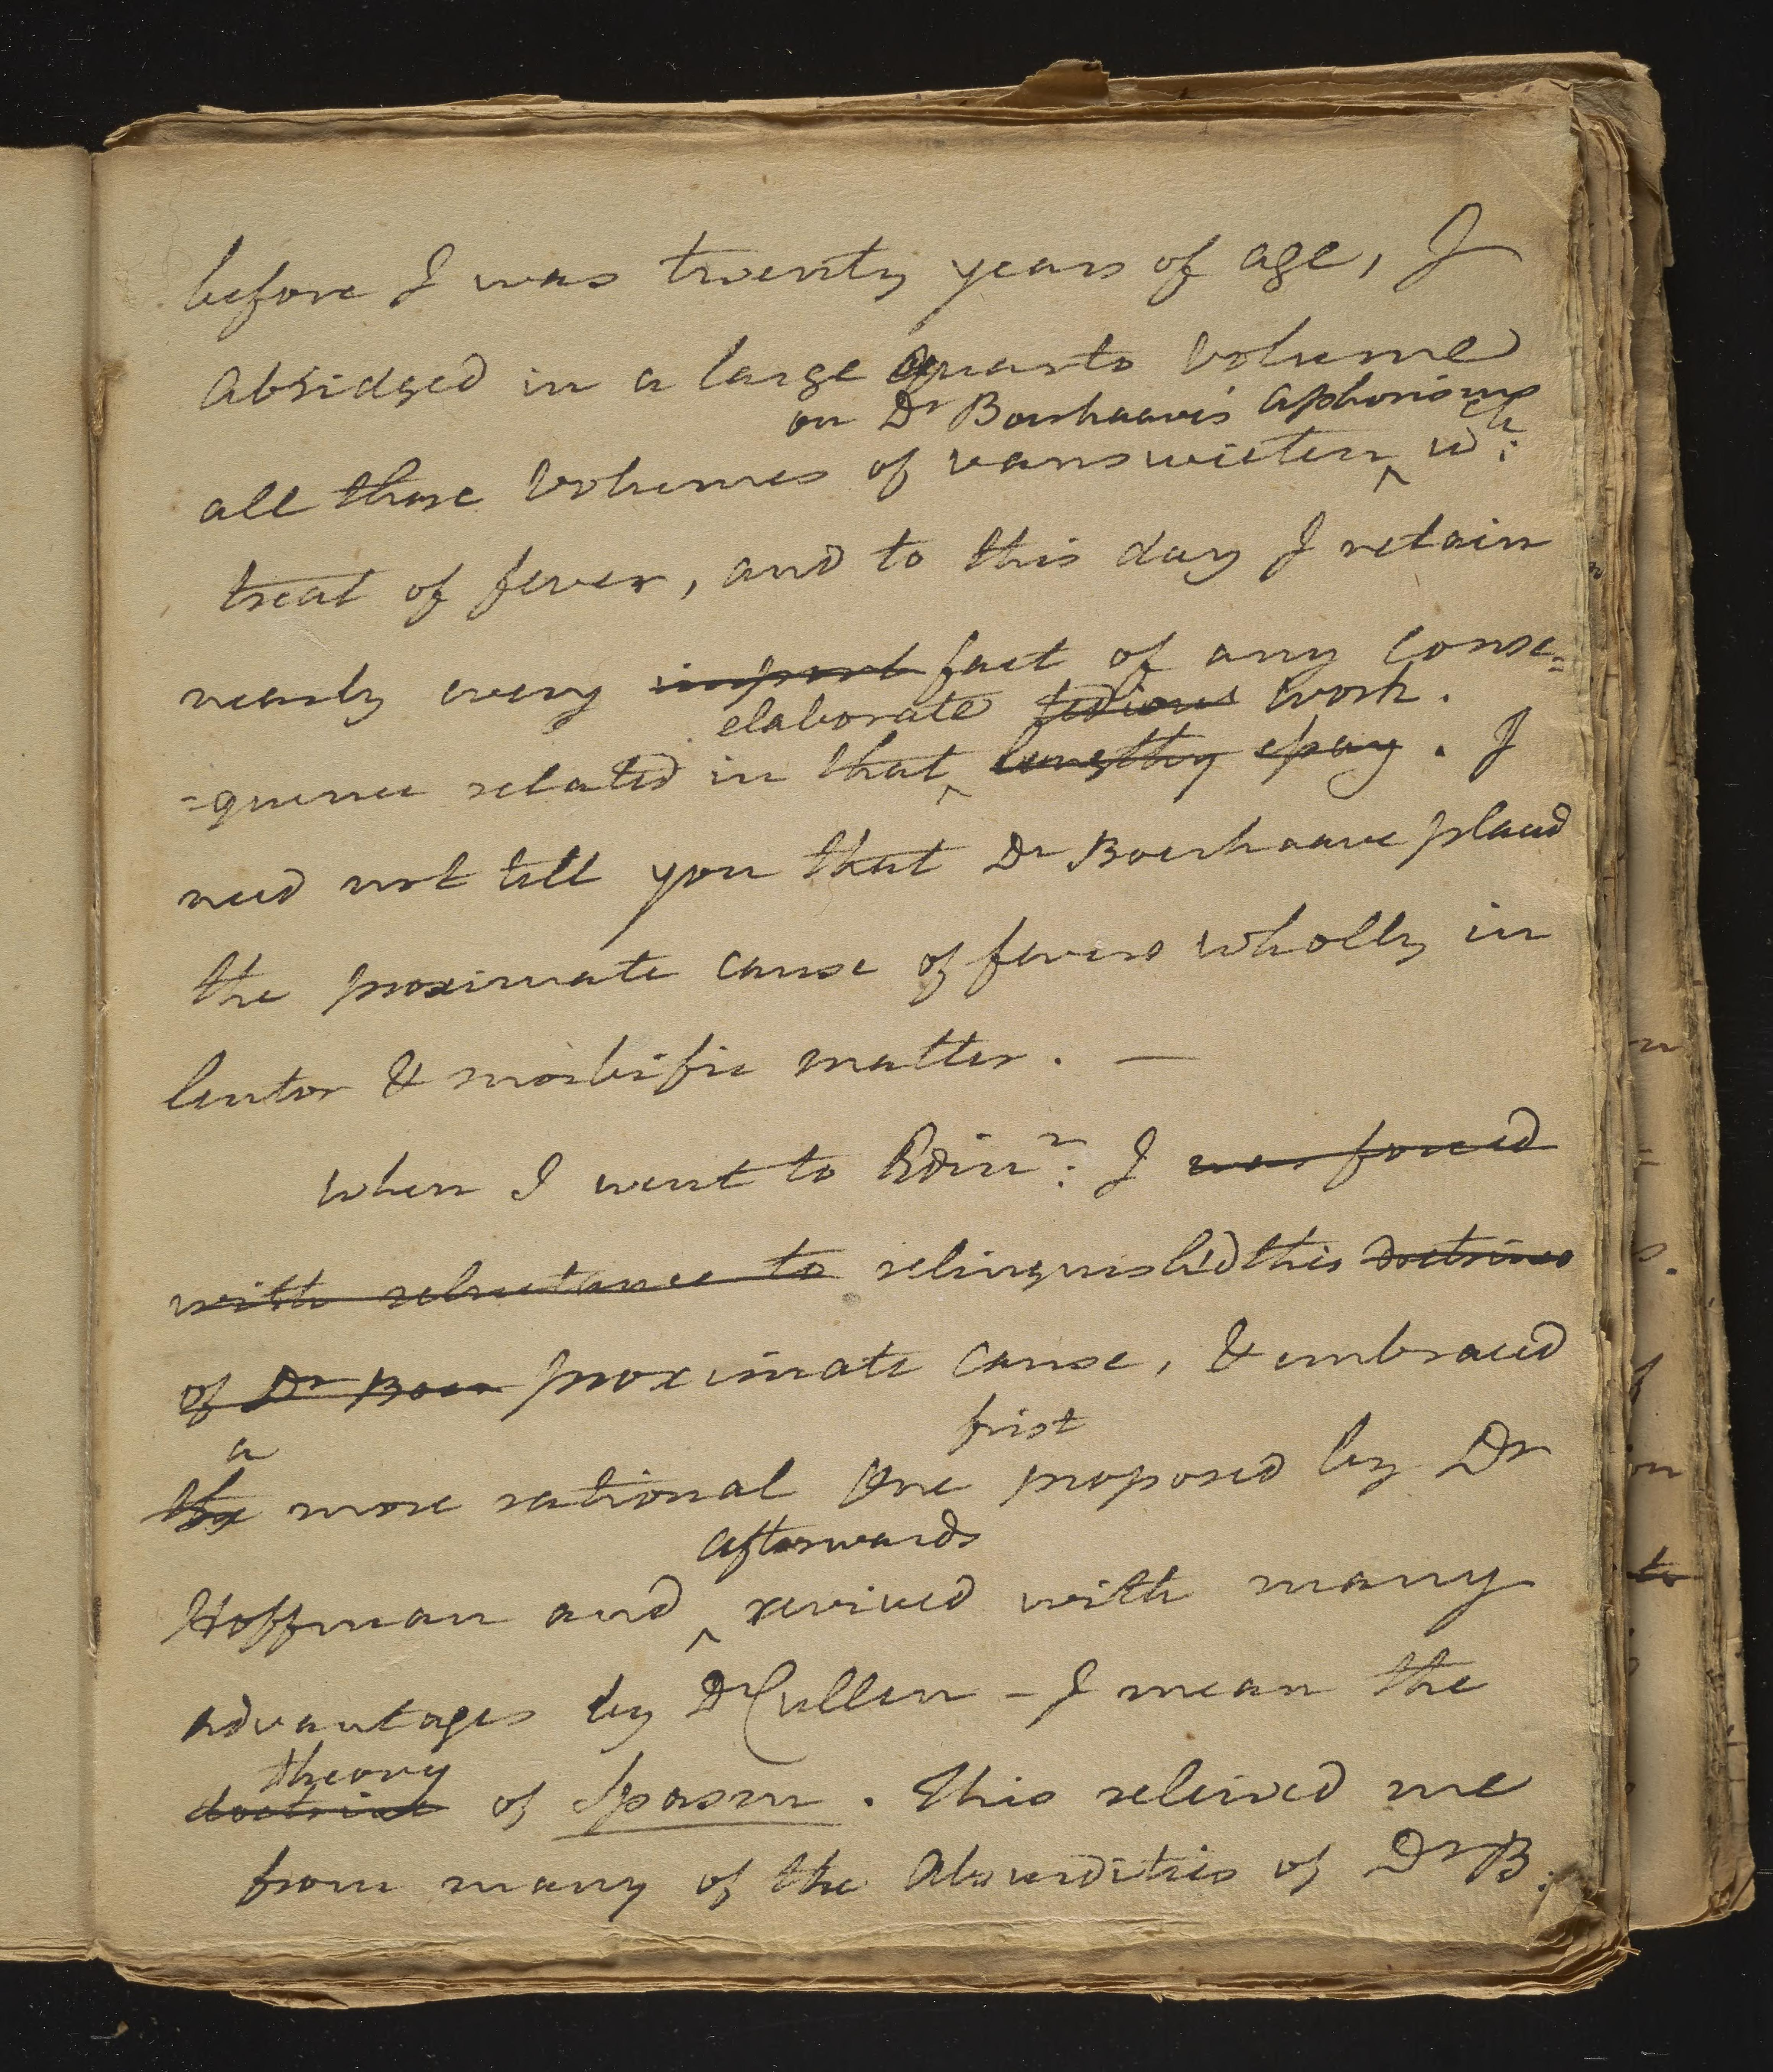before I was twenty years of age, I
abridged in a large quarto volume
on D^r Boerhaave's aphorisms
all the volumes of Vanswister ^ w^h:
treat of fever, and to this day I retain
nearly every [import] fact of any conse-
elaborate [tedious] work.
-quence related in that ^ [lengthy] [essay]. I
need not tell you that D^r Boerhaave placed
the proximate cause of fevers wholly in
lentor & morbific matter.
When I went to Rein^r: I [was forced]
[with reluctance to] relinquish'd this [doctrine]
[of D^r Boer] proximate cause, & embraced
a
first
[by] more rational one proposed by Dr.
afterwaards
Hoffman and ^ revived with many
advantages by D^r Cullen- I mean the
theory
[doctrine] of Spasm. This relieved me
from many of the Absurdities of Dr B.